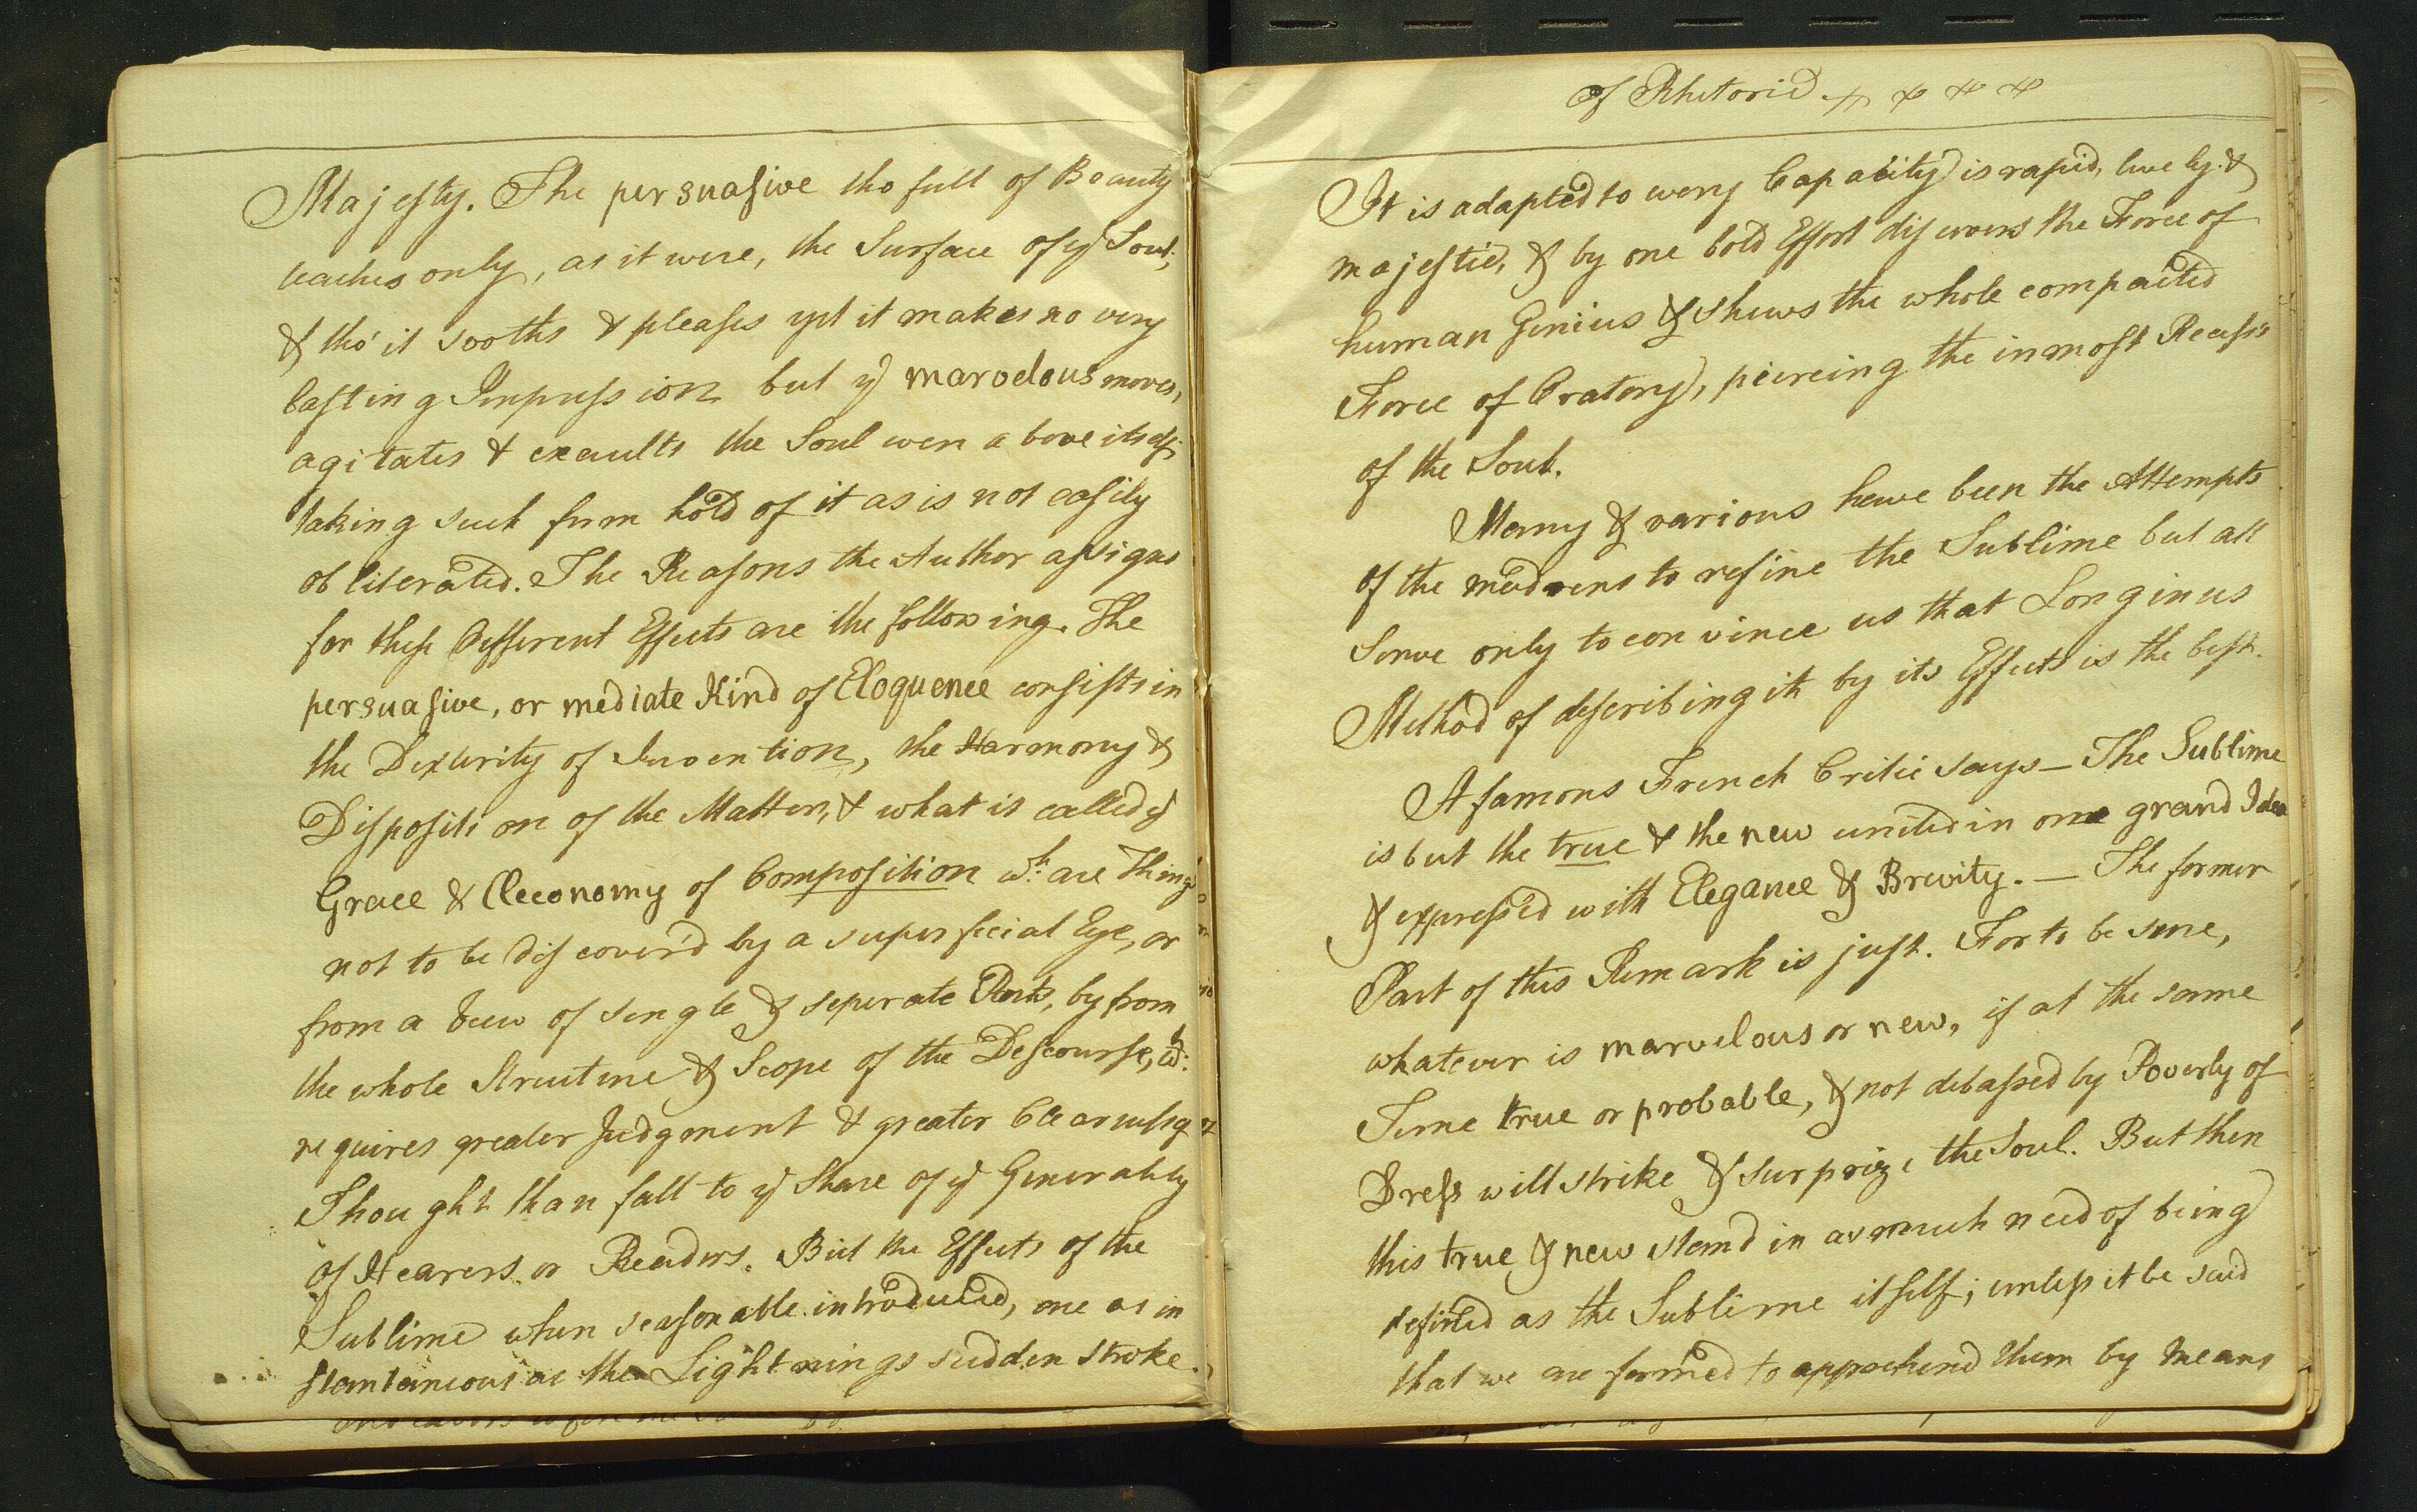Majesty. The persuasive tho full full of Beauty
reaches only, as it were, the Surface of y^e Soul,
& tho' it sooths & pleases yet it makes no very
lasting Impression but y^e marvelous moves,
agitates & exaults the Soul even above itself
taking such firm hold of it as is not easily
obliterated. The Reasons the Author assigns
for these different Effects are the following. The
persuasive, or mediate kind of Eloquence consists in
the Dexterity of Invention, the Harmony &
Disposition of the Matter, & what is called y^e
Grace & OEconomy of Composition w^h: are Things
not to be discover'd by a superficial Eye, or
from a slew of single & separate Parts, by from
the whole Structure & Scope of the Descourse, w^h
requires greater Judgment & greater Charming
Thought than fall to y^t Share of y^e Generality
of Hearers & Readers. But the Effects of the
Sublime when seasonable introduced, once as in
flamtanious as the Lightnings sudden stroke.
Of Rhetoric
It is adapted to every Capability is rapid, lively &
majestic, & by one bold Effort discovers the Force of
human Genius & shews the whole compacted
Force of Oratory, piercing the inmost Recesses
of the Soul.
Many & various have been the Attempts
of the madins to refine the Sublime but all
serve only to convince us that Longinus
Method of describing it by its Effects is the best.
A famous French Critic says– The Sublime
is but the true & the new united in one grand Idea
& expressed with Elegance & Brevity.- The former
Part of this Remark is just. For to be sure,
whatever is marvelous or new, if at the same
Time true or probable, & not debased by Poverty of
Dress will strike & surprize, the Soul. But then
this true & new stand in as much need of being
defined as the Sublime itself; unless it be said
that we are formed to apprehend them by means